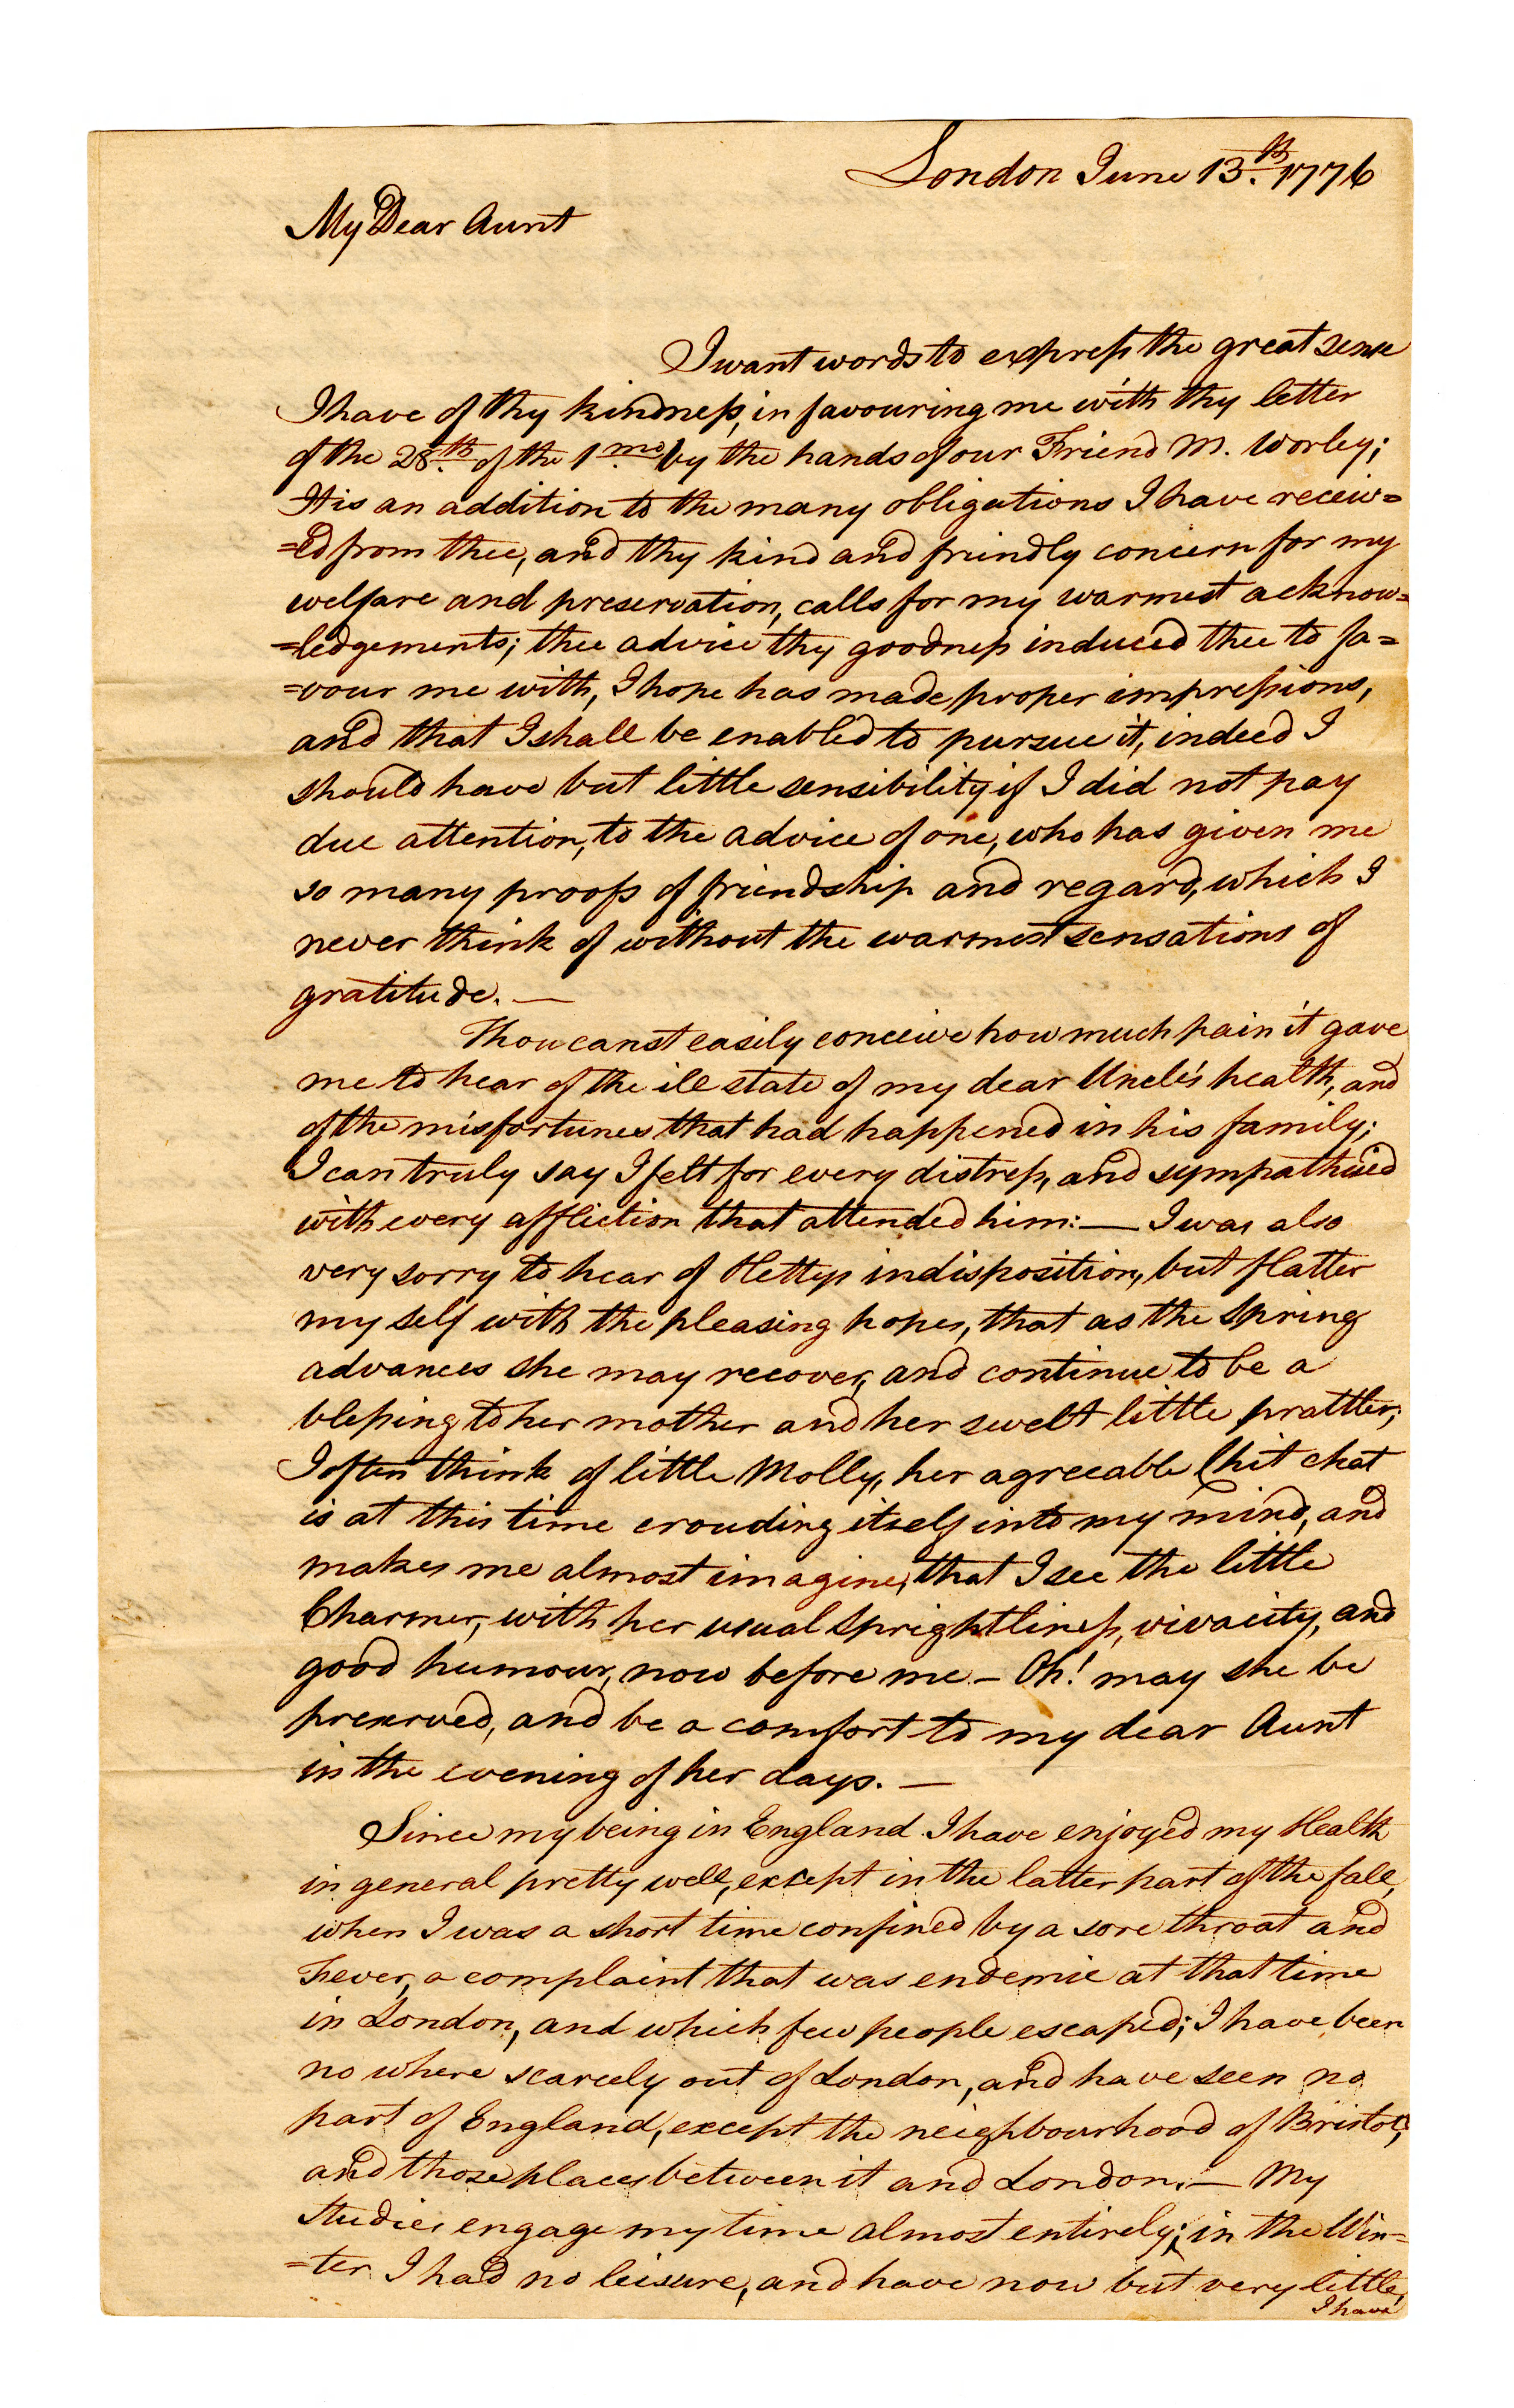London June 13.^th 1776
My Dear Aunt
I want words to express the great sense
I have of thy kindness, in favouring me with thy letter
of the 28^th. of the 1^mo. by the hands of our Friend M. Worley;
It is an addition to the many obligations I have receiv-
-ed from thee, and thy kind and friendly concern for my
welfare and preservation, calls for my warmest acknow-
-ledgements; thee advice thy goodness induced thee to fa-
-vour me with, I hope has made proper impressions,
and that I shall be enabled to pursue it, indeed I
should have but little sensibility if I did not pay
due attention, to the advice of one, who has given me
so many proofs of friendship and regard, which I
never think of without the warmest sensations of
gratitude &c.-
Thou canst easily conceive how much pain it gave
me to hear of the ill state of my dear Uncle's health, and
of the misfortunes that had happened in his family;
I can truly say I felt for every distress, and sympathised
with every affliction that attended him:- I was also
very sorry to hear of Hettys indisposition, but flatter
myself with the pleasing hopes, that as the Spring
advances she may recover, and continue to be a
blessing to her mother and her swelt little prattler;
I often think of little Molly, her agreeable Chit chat
is at this time crouding itself into my mind, and
makes me almost imagine, that I see the little
Charmer, with her usual sprightliness, vivacity, and
good humour, now before me.- Oh! may she be
preserved, and be a comfort to my dear Aunt
in the evening of her days.-
Since my being in England I have enjoyed my Health
in general pretty well, except in the latter part of the fall,
when I was a short time confined by a sore throat and
Fever, a complaint that was endemic at that time
in London, and which few people escaped; I have been
no where scarcely out of London, and have seen no
part of England, except the neighbourhood of Bristol;
and those places between it and London.- My
studies engage my time almost entirely; in the Win-
-ter I had no leisure, and have now but very little,
I have